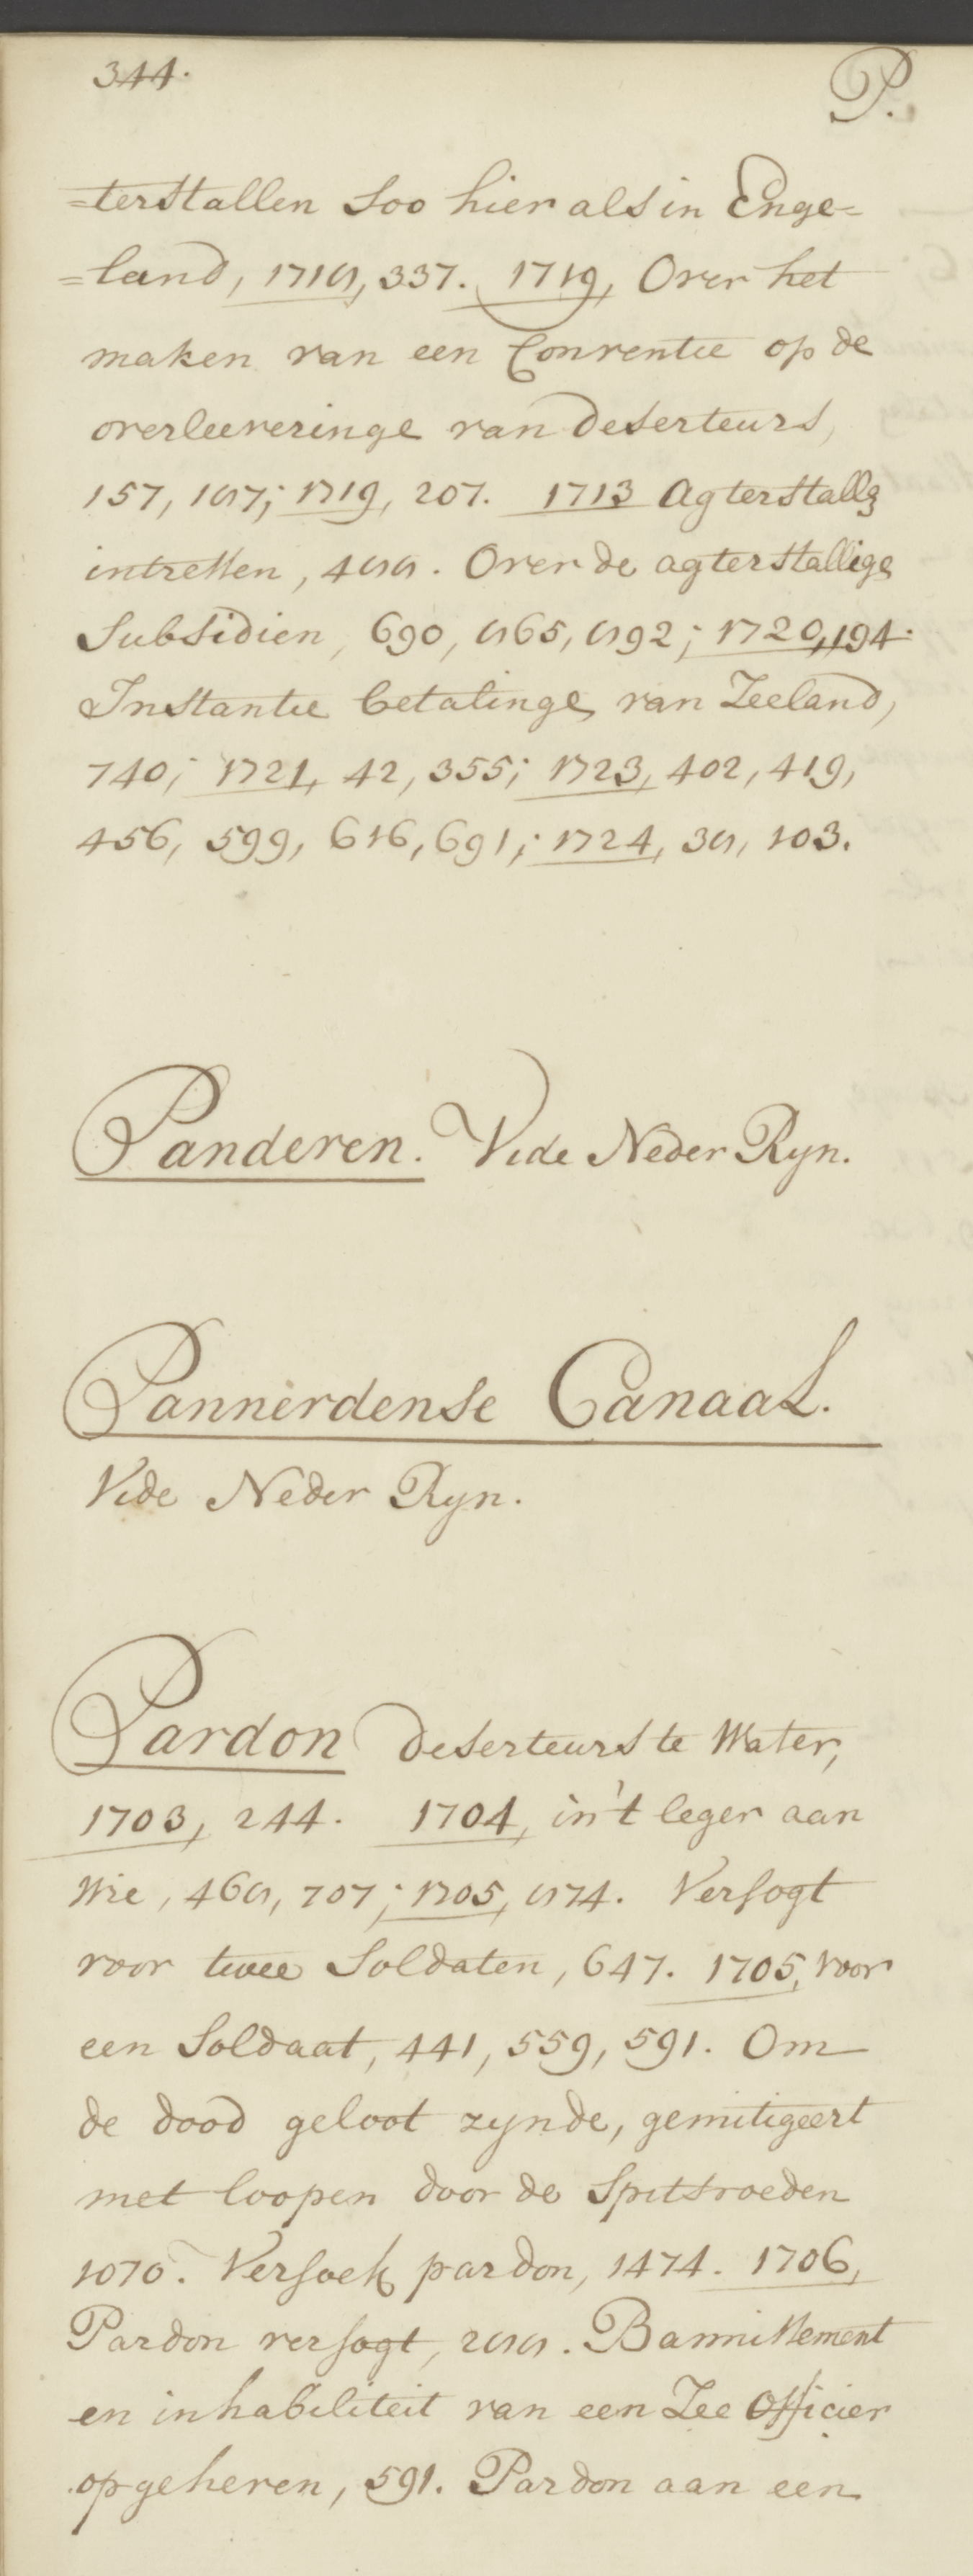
344
P.
terstallen soo hier als in Enge„
land, 1718, 337. 1719, Over het
maken van een conventie op de
overleeveringe van deserteurs
157, 187; 1719, 207. 1713 Agterstalle
intressen, 488. Over de agterstallige
subsidien, 690, 865, 892; 1720, 194.
Instantie betalingen van Zeeland,
740; 1721, 42, 355; 1723, 402, 419,
456, 599, 616, 691; 1724, 38, 103.
Panderen vide Neder Rijn.
Pennerdense Canaal
vide Neder Rijn.
Pardon deserteurs te water,
1703, 244. 1704, in 't leger aan
wie, 468, 707; 1705, 874. Versogt
voor twee soldaten, 647, 1705, voor
een soldaat, 441, 559, 591. Om
de dood geloot zijnde, gemitigeert
met loopen door de spitsroeden
1070. Versoek pardon, 1474, 1706.
Pardon versogt, 288. Bannissement
en inhabiliteit van een Zee Officier
opgeheven, 591. Pardon aan een
